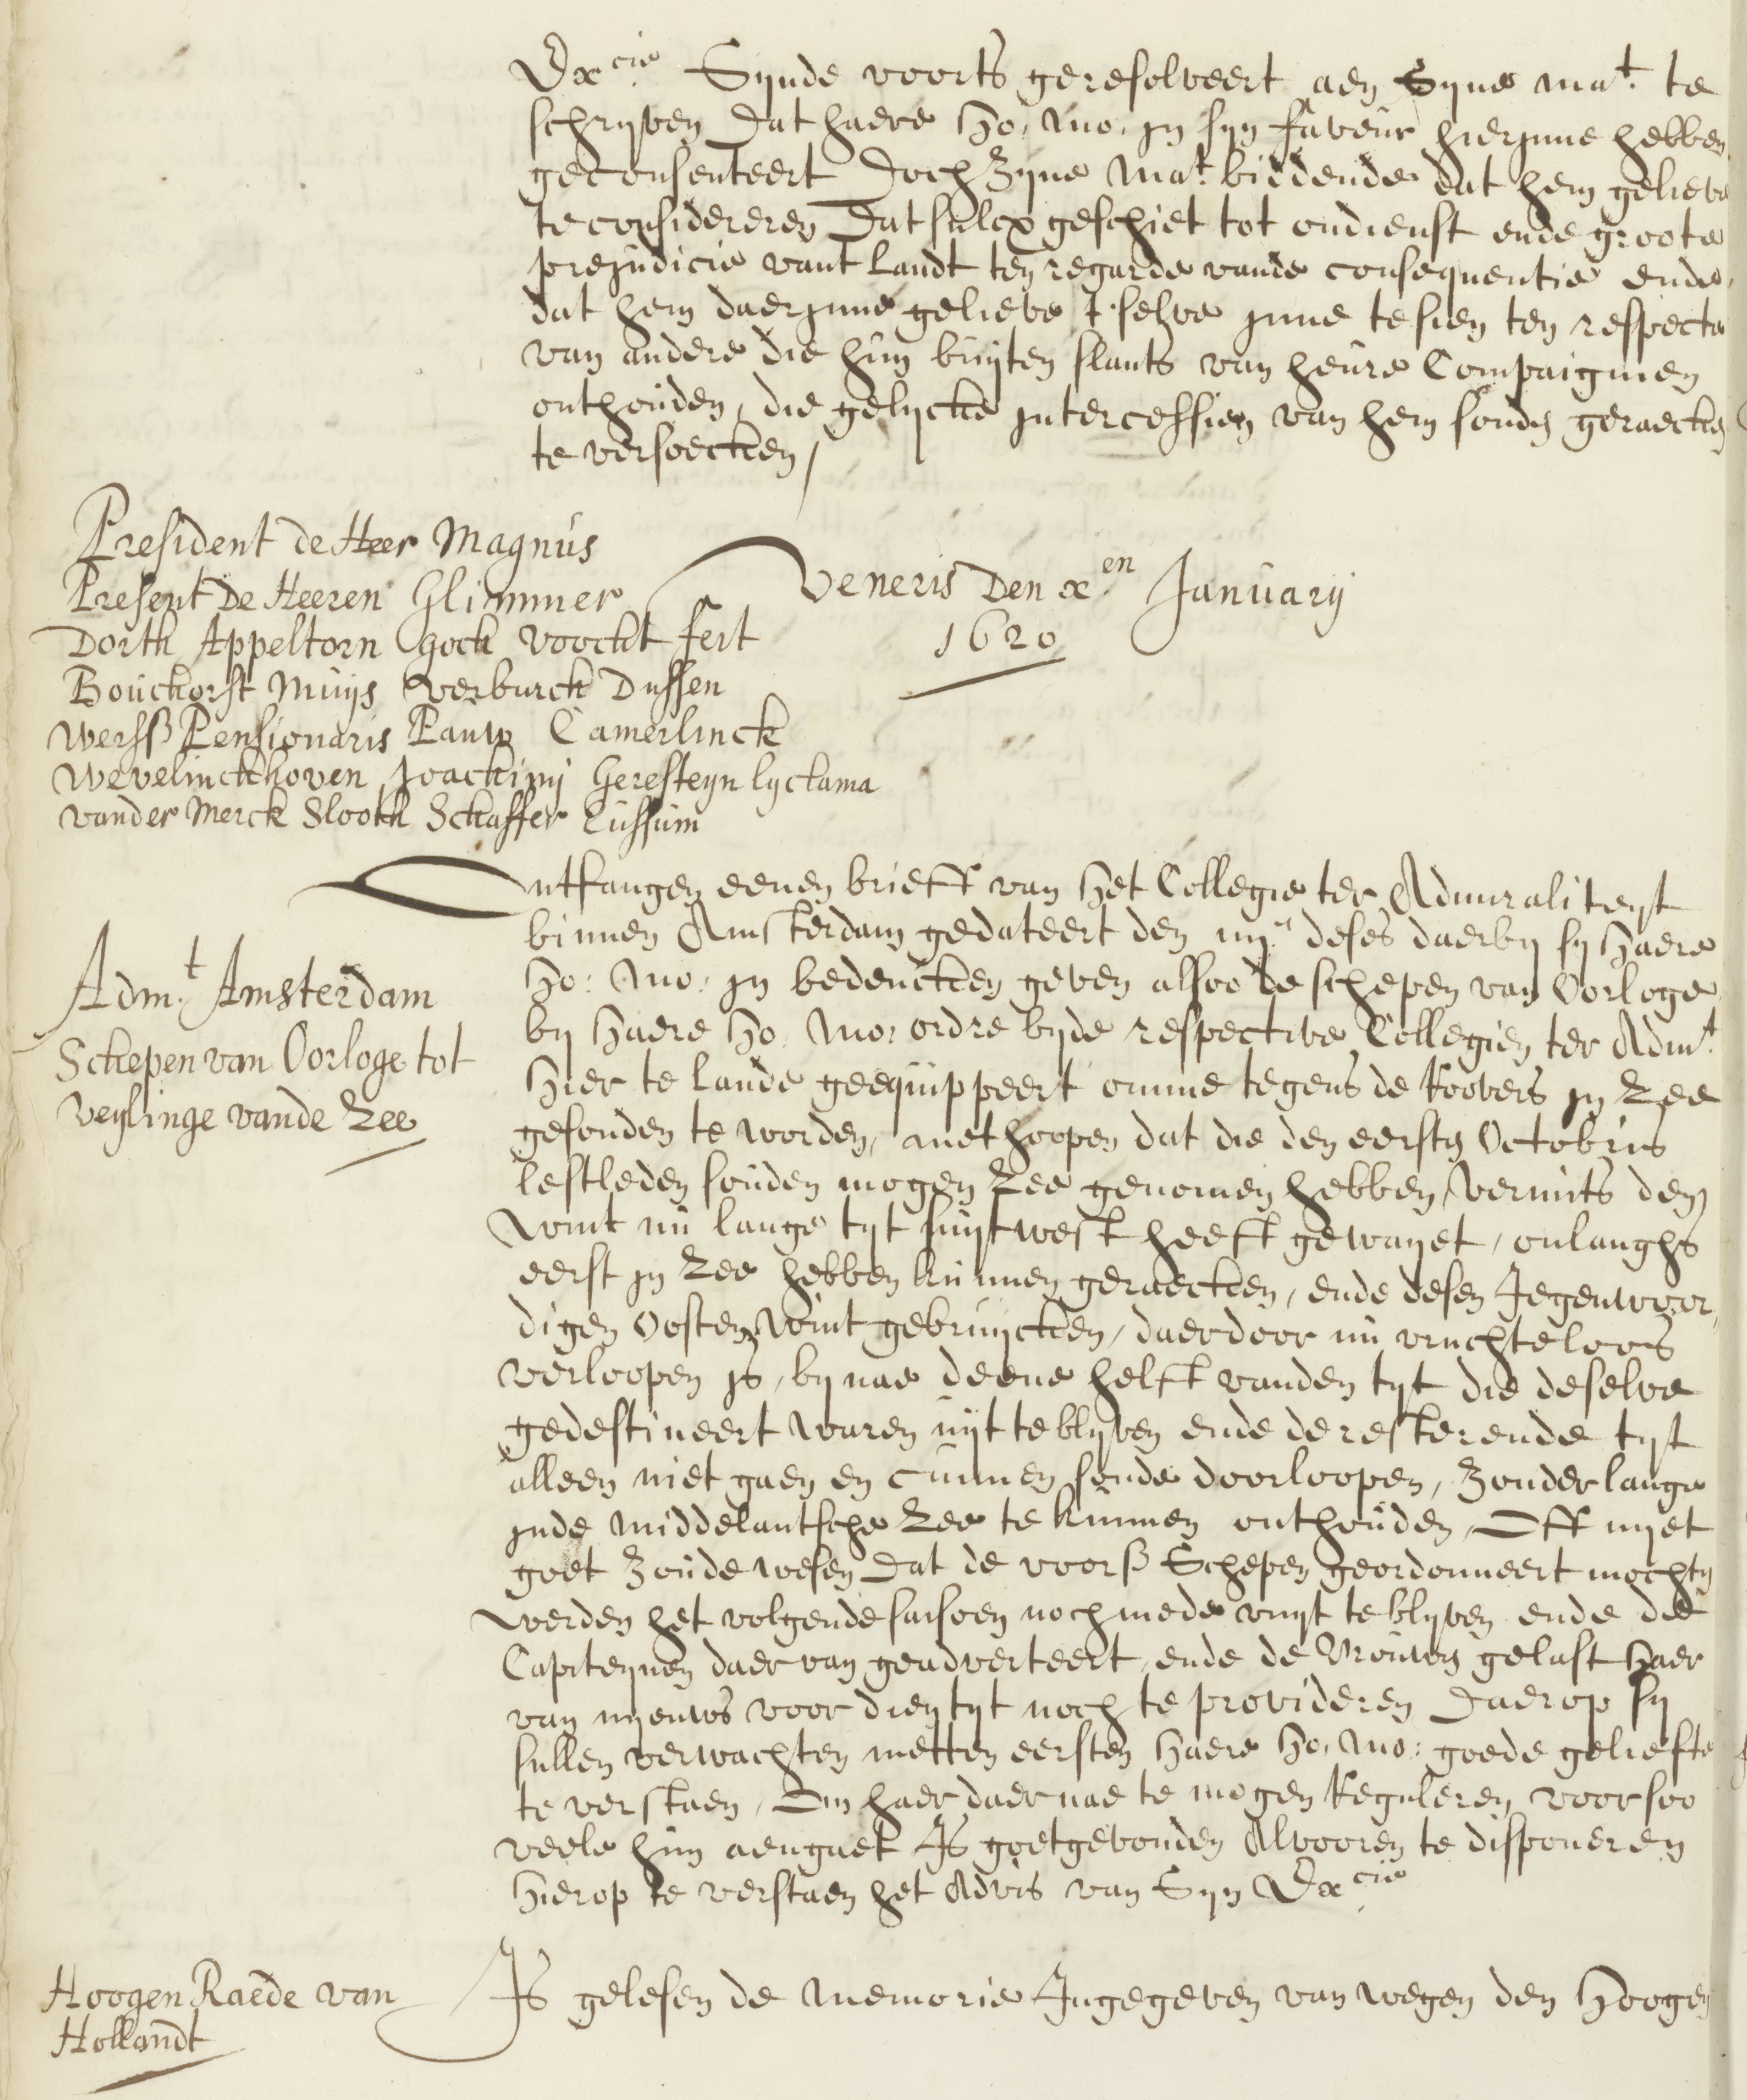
Excie. Synde voorts geresolveert aen Syne mat. te
schryven dat haere Ho:Mo: in syn faveur hierinne hebben
geconsenteert doch Zyne Mat. biddende dat hem gelieven
te considereren dat sulcx geschiet tot ondienst ende groote
prejudicie vant landt ten regarde vande consequentie ende
dat hem daerinne gelieve t' selve inne te sien ten respecte
van andere die hun buijten slants van heure Compaignien
onthouden, die gelycke intercessien van hem souden geraecken
te versoecken.
Veneris den xen. Januarij
1620
President de Heer Magnus
Present de Heeren Glimmer
Dorth Appeltorn goch voocht Feit
Bouchorst Muijs verburch Dussen
Werss Pensionaris Pauw Camerlinck
Wevelinckhoven, Joachimi Geresteyn lyclama
vander Merck Slooth Schaffer Eussum
Admt. Amsterdam
Schepen van Oorloge tot
Veylinge vande Zee
Ontfangen eenen brieff van het Collegie ter Admiraliteyt
binnen Amsterdam gedateert den iiijen deses daerby sy haere
Ho:Mo: in bedencken geven alsoo de schepen van Oorloge
by Haere Ho:Mo: ordre byde respective Collegien ter Admt.
Hier te lande geequippeert omme tegens de Roovers in Zee
gesonden te worden, met hoopen dat die den eersten Octobris
lestleden souden mogen Zee genomen hebben, vermits den
wint nu lange tyt suytwest heeft gewayet, onlanghs
eerst in Zee hebben kunnen geraecken, ende desen Jegewoor,,
digen Oosten wint gebruycken, daerdoor nu vruchteloos
verloopen is, by nae deene helft vanden tyt die deselve
gedestineert waren uijt te blyven ende de resterende tyt
alleen niet gaen en cunnen soude doorloopen, zonder lange
inde middelantsche Zee te kunnen onthouden, Off nyet
goet zoude wesen dat de voors Schepen geordonneert mochten
werden het volgende saisoen noch mede vuyt te blyven ende de
Capiteynen daer van geadverteert, ende de Vrouwen gelast haer
van nyeuws voor dien tyt noch te provideren Daerop sy
sullen verwachten metten eersten Haere Ho:Mo: goede geliefte
te verstaen, Om haer daer nae te mogen Reguleren voor soo
veele hun aengaet Is goetgevonden Alvooren te disponeren
hierop te verstaen het Advis van Syn Excie.
Hoogen Raede van
Hollandt
Is gelesen de memorie Ingegeven van wegen den Hoogen
